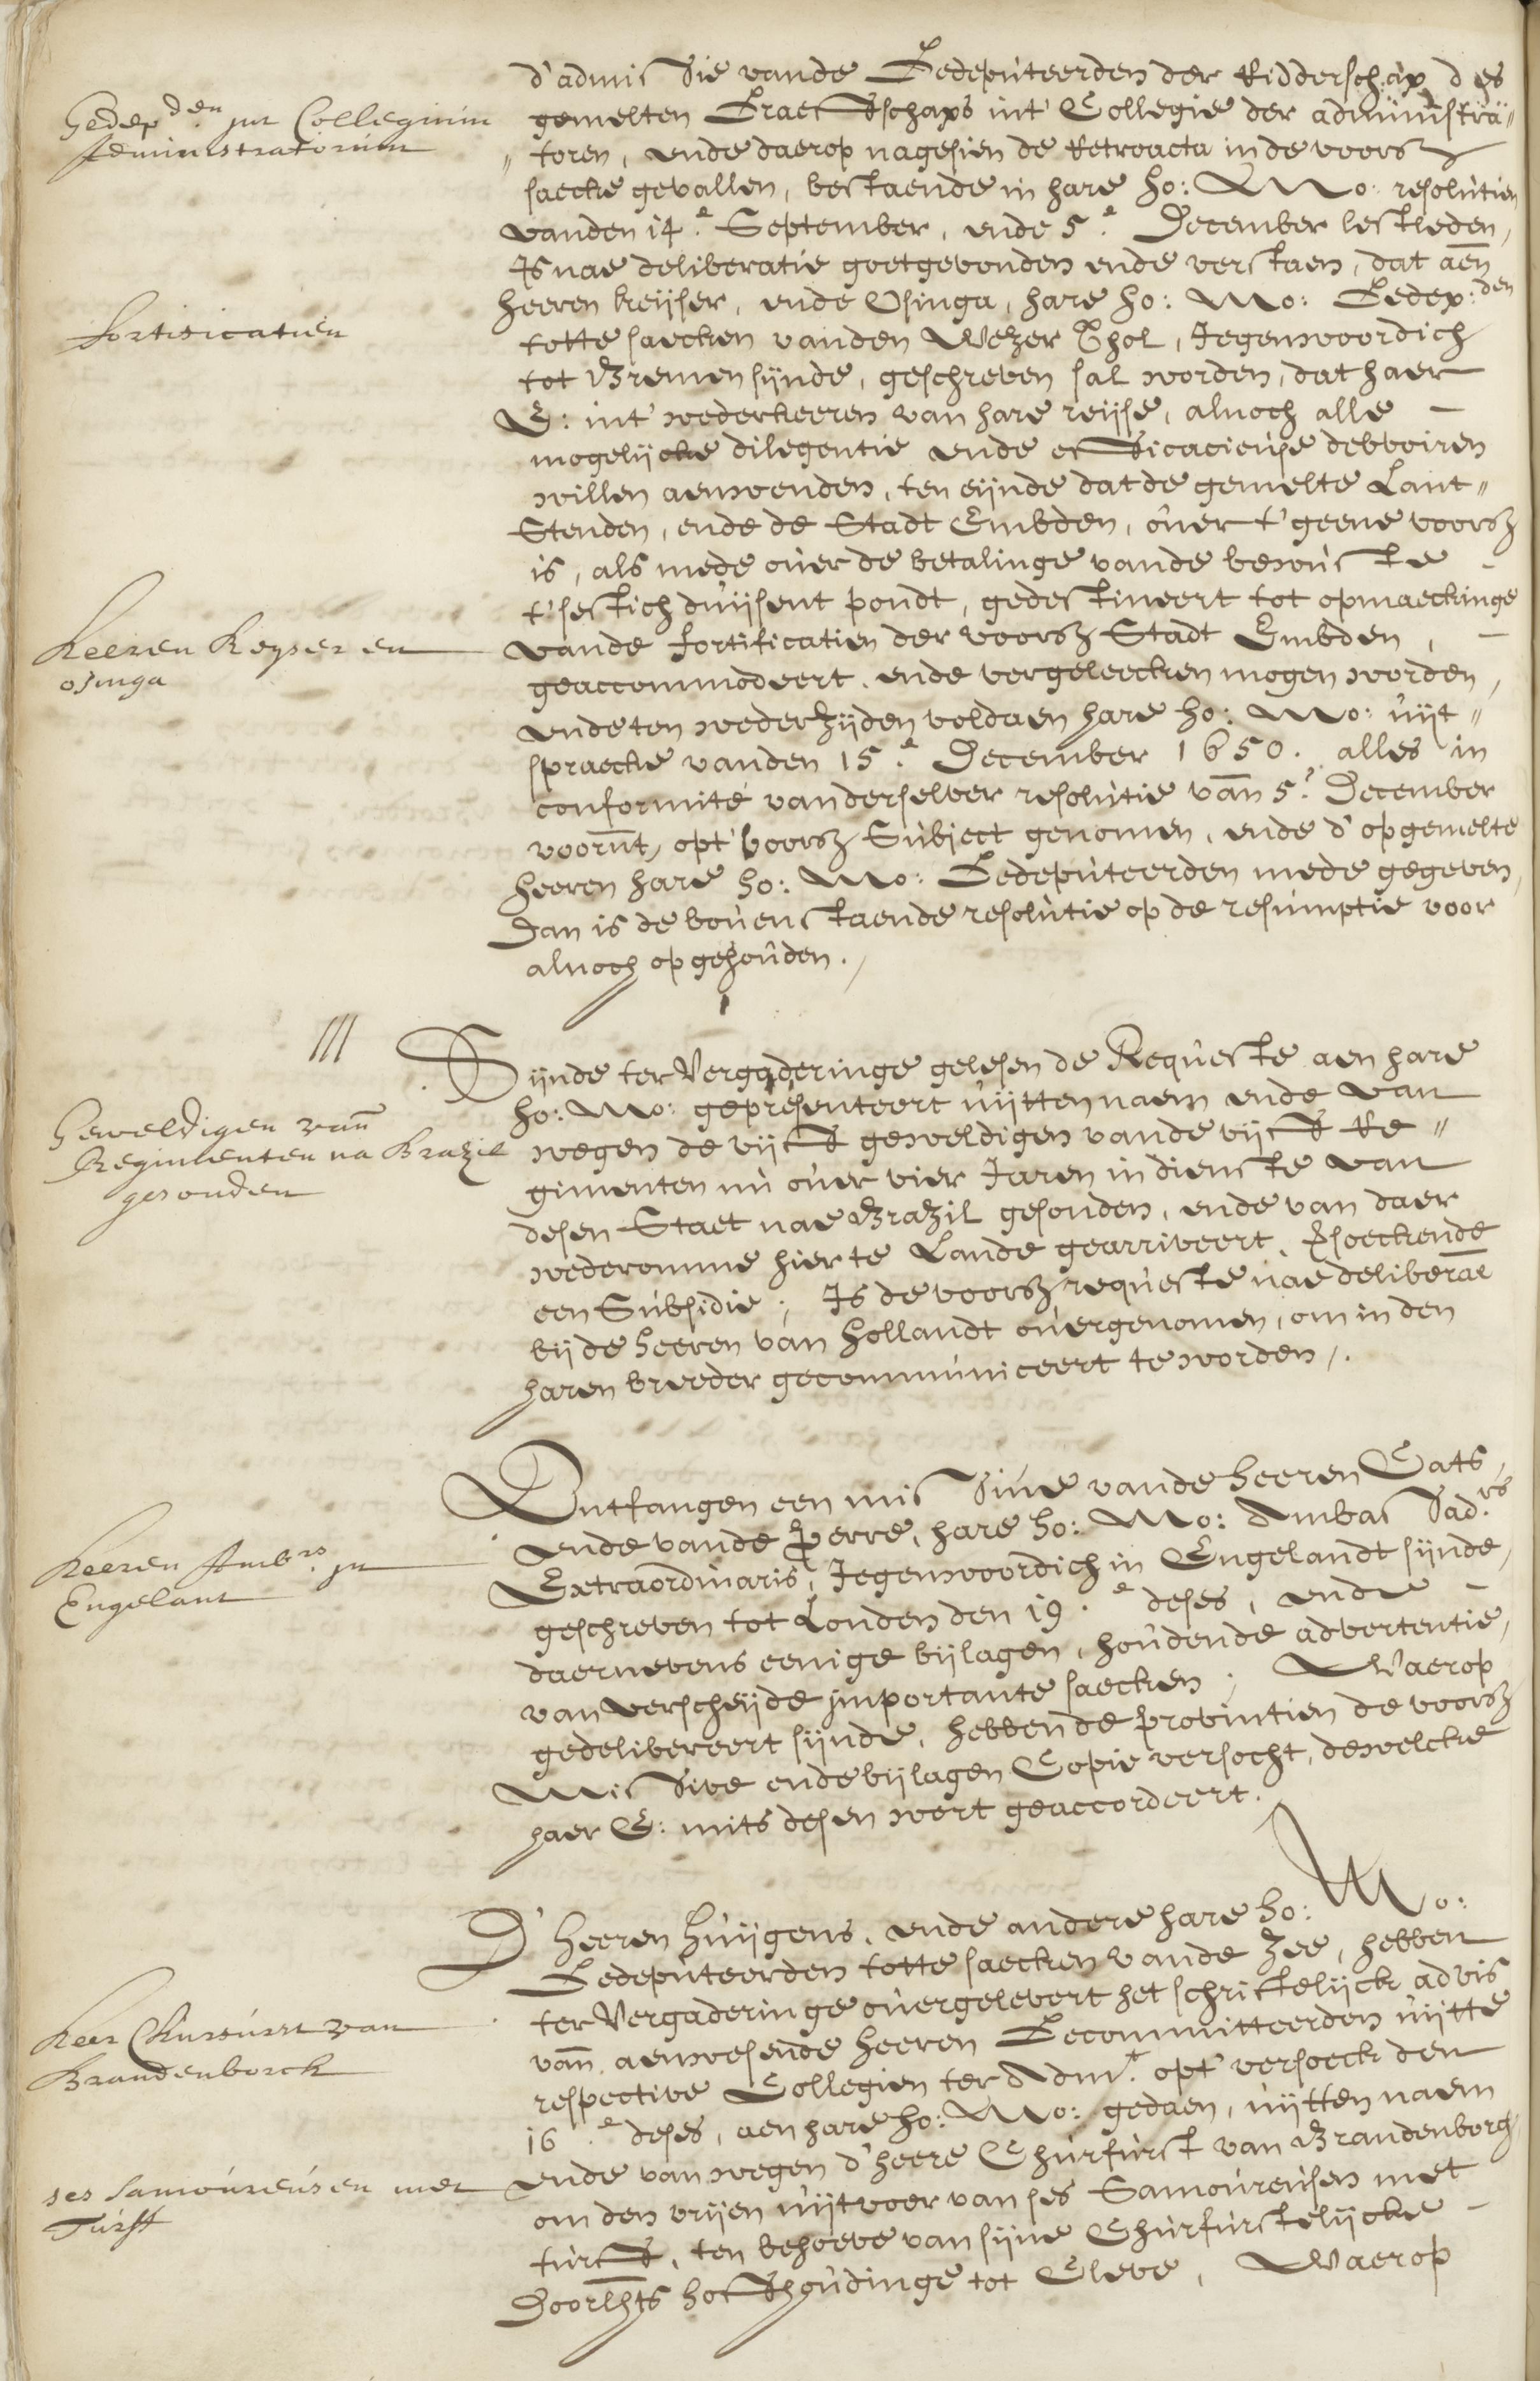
Gedepden. int Collegium
Administratorum
fortificatien
heeren keyser en
osinga
d'admissie vande Gedeputeerden der Ridderschap des
gemelten Graeffschaps int' Collegie der administra„
toren, ende daerop nagesien de Retroacta in de voorsz
saecke gevallen, bestaende in hare ho:Mo: resolutien
vanden 14e. September, ende 5e. December lestleden,
Is nae deliberatie goetgevonden ende verstaen, dat aen
heeren keijser, ende Osinga, hare ho:Mo: Gedep:den
totte saecken vanden Wezer Thol, Jegenwoordich
tot Bremen sijnde, geschreven sal worden, dat haer
E: int' wederkeeren van hare reijse, alnoch alle -
mogelijcke dilegentie ende efficacieuse debvoiren
willen aenwenden, ten eijnde dat de gemelte Lant„
Stenden, ende de Stadt Embden, ouer t' geene voorsz
is, als mede ouer de betalinge vande bewuste -
t'sestich duijsent pondt, gedestineert tot opmaeckinge
vande fortificatien der voorsz Stadt Embden, -
geaccommodeert, ende vergeleecken mogen worden,
Ende ten wederzijden voldaen hare ho:Mo: uijt „
spraecke vanden 15e. December 1650. alles in
conformité van derselver resolutie van 5e. December
voornt, opt' voorsz Subject genomen, ende d'opgemelte
heeren hare ho: Mo: Gedeputeerden mede gegeven.
Dan is de bouenstaende resolutie op de resumptie voor
alnoch opgehouden.
Geweldigen van
Regimenten na Brazil
gesonden
Sijnde ter Vergaderinge gelesen de Requeste aen hare
ho:Mo: gepresenteert uijtten naem ende van
wegen de vijff geweldigen vande vijff Re„
gimenten nu ouer vier Jaren in dienste van
desen Staet nae Brazil gesonden, ende van daer
wederomme hier te Lande gearriveert, vsoeckende
een Subsidie; Is de voorsz requeste nae deliberae
bij de heeren van Hollandt ouergenomen, om in den
haren breeder gecommuniceert te worden.
heeren Ambrs. in
Engelant
Ontfangen een missive vande heeren Cats,
ende vande Perre, hare ho:Mo: Ambassadrs.
Extraordinaris, Jegenwoordich in Engelandt sijnde,
geschreven tot Londen den 19.e deses, ende -
daernevens eenige bijlagen, houdende advertentie,
van verscheijde importante saecken. Waerop
gedelibereert sijnde, hebben de provintien de voorsz
Missive ende bijlagen Copie versocht dewelcke
haer E. mits desen wort geaccordeert.
heer Churfurst van
Brandenborch
ses Samoureusen met
Turff
D'heeren Huijgens, ende andere hare ho:Mo:
Gedeputeerden totte saecken vande Zee, hebben
ter Vergaderinge ouergelevert het schriftelijck advis
van aenwesende heeren Gecommitteerden uijtte
respective Collegien ter Admt. opt' versoeck den
16.e deses, aen hare ho:Mo: gedaen, uijtten naem
ende van wegen d'heere Churfurst van Brandenborg
om den vrijen uijtvoer van ses Samoureusen met
turff, ten behoeve van sijne Churfurstelijcke -
Doorlhts hoffhoudinge tot Cleve. Waerop
